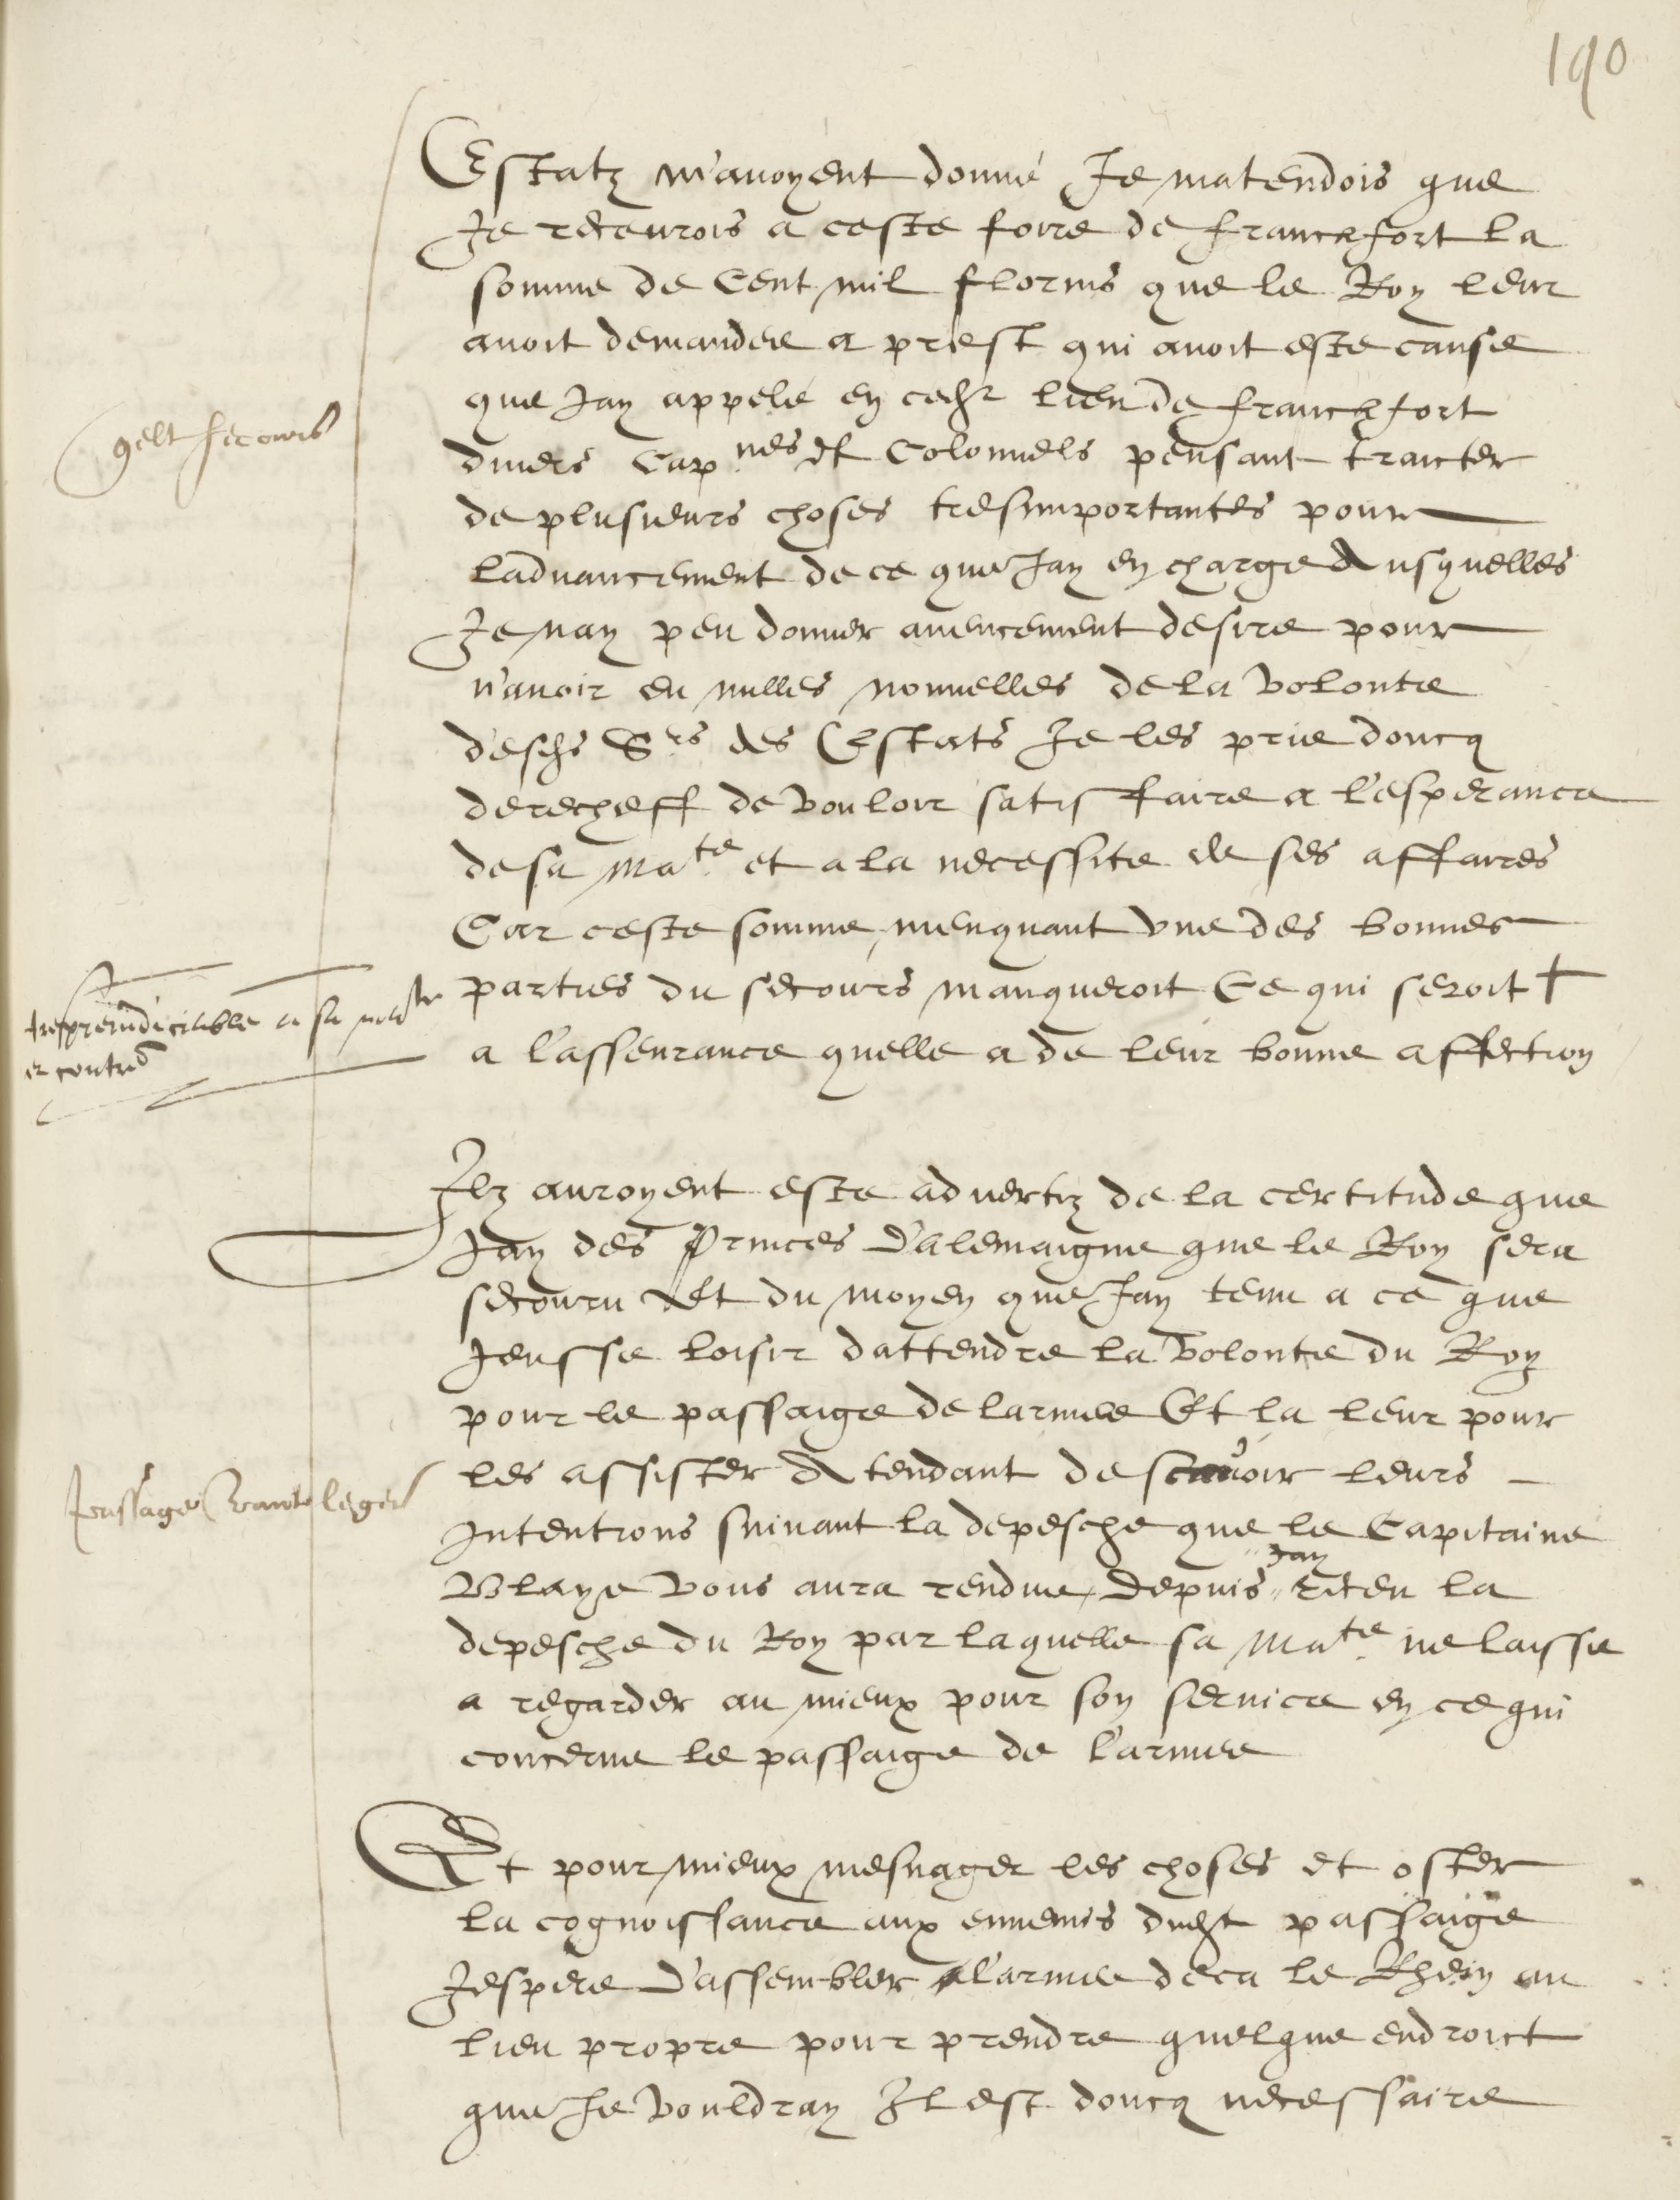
140
gelt secours
trespreiudiciable a sa mate
et contrad
passage vant leger
Estatz m' auoyent donné je matendois que
je receurois a ceste foire de franckfort la
somme de cent mil florins que le Roy leur
auoit demandee a prest qui auoit este cause
que Jay appelé en cedt lieu de franckfort
diuers cap.nes et colonnels pensant traicter
de plusieurs choses tres importantes pour
laduancement de ce que Jay en charge Ausquelles
Je nay peu donner auencement desire pour
n'auoir eu nulles nouuelles de la volonte
d'esds Srs des Estats Je les prie doncq
derecheff de vouloir satisfaire a l'esperance
de sa Mate. et a la necessite de ses affaires
car ceste somme, menquant vne des bonnes
parties du secours manqueroit ce qui seroit T
a l' asseurance quelle a de leur bonne affection.
Ilz auroyent este aduertiz de la certitude que
Jay des Princes d' alemaigne que le Roy sera
secouru et du moyen que Jay tenu a ce que
Jeusse loisir dattendre la volonte du Roy
pour le passaige de larmee et la leur pour
les assister Atendant de scauoir leurs
Intentions suiuant la depesche que le Capitaine
Blaye vous aura rendue, depuis ,, ''Jay recue la
depesche du Roy par laquelle sa Mate. ne laisse
a regarder au mieux pour son seruice en ce qui
concerne le passaige de l' armee
Et pour mieux mesnager les choses et oster
la cognoissance aux ennemis dudt passaige
Jespere d'assembler a l'armee deca le Rhein au
lieu propre pour prendre quelque endroict
que Je vouldray IL est doncq necessaire
